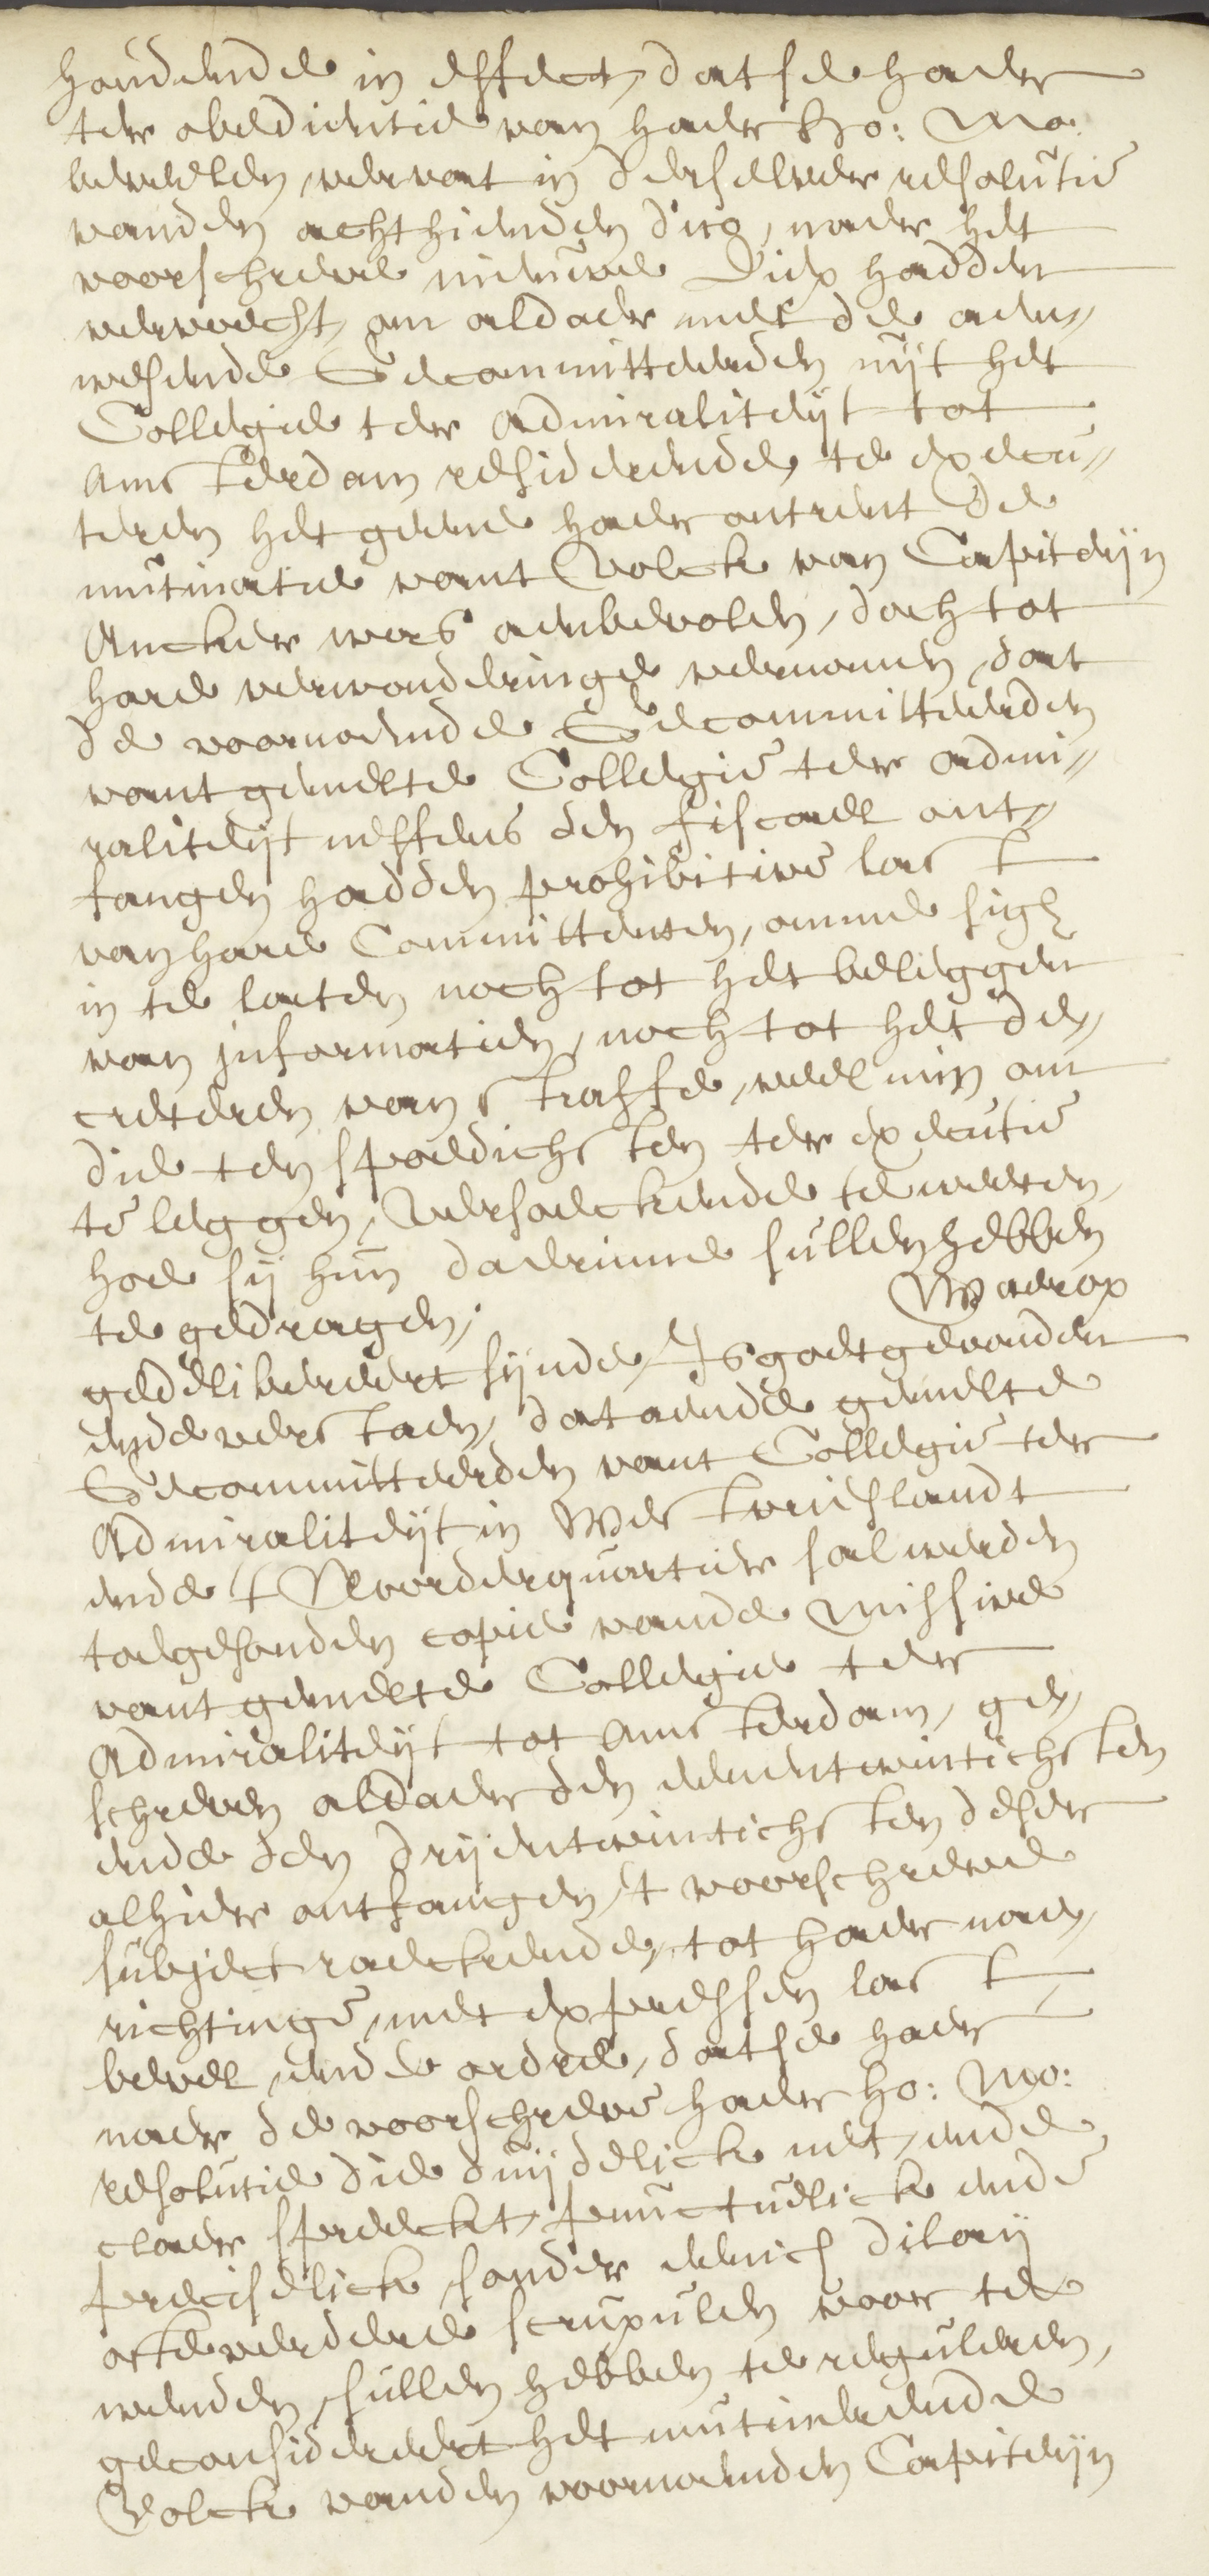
houdende in effect, dat se haer
ter obedientie van haer Ho:Mo:
beveelen, vervat in derselver resolutie
vanden achthienden dito, naer het
voorschreve nieuwe Diep hadden
vervoecht, om aldaer met de aen„
wesende Gecommitteerden uijt het
Collegie ter Admiraliteijt tot
Amsterdam residerenden te execu,,
teren het geene haer ontrent de
mutinatie vant volck van Capiteijn
Ancker was aenbevolen, doch tot
hare verwonderinge vernomen, dat
de voornoemde Gecommitteerden
vant gemelte Collegie ter admi,,
raliteijt neffens den fiscael ont„
fangen hadden prohibitive last
van hare Committenten, omme sigh
in te laten noch tot het beleggen
van informatien, noch tot het de„
creteren van straffe, veel min om
die ten spoedichsten ter executie
te leggen, versoeckende te weeten
hoe in hun daerinne sullen hebben
te gedragen: Waerop
gedelibereert sijnde, Is goetgevonden
ende verstaen, dat aende gemelte
Gecommitteerden vant Collegie ter
Admiraliteijt in Westvrieslandt
ende 't Noorderquartier sal werden
toegesonden copie vande missive
vant gemelte Collegie ter
Admiraliteijt tot Amsterdam, ge„
schreven aldaer den eenentwintichsten
ende den drijentwintichsten deser
alhier ontfangen, 't voorschreve
subject raeckende, tot haer nae„
richtinge, met expressen last„
bevel, ende ordre, datse haer
naer de voorschreve haer Ho:Mo:
resolutie die duijdelick net, ende
claer spreeckt, punctuelick ende
preciselick, sonder eenich dilaij
ofte verdere scrupulen voor te
wenden, sullen hebben te reguleren
geconsidereert het mutinerende
Volck vanden voornoemden Capiteijn
